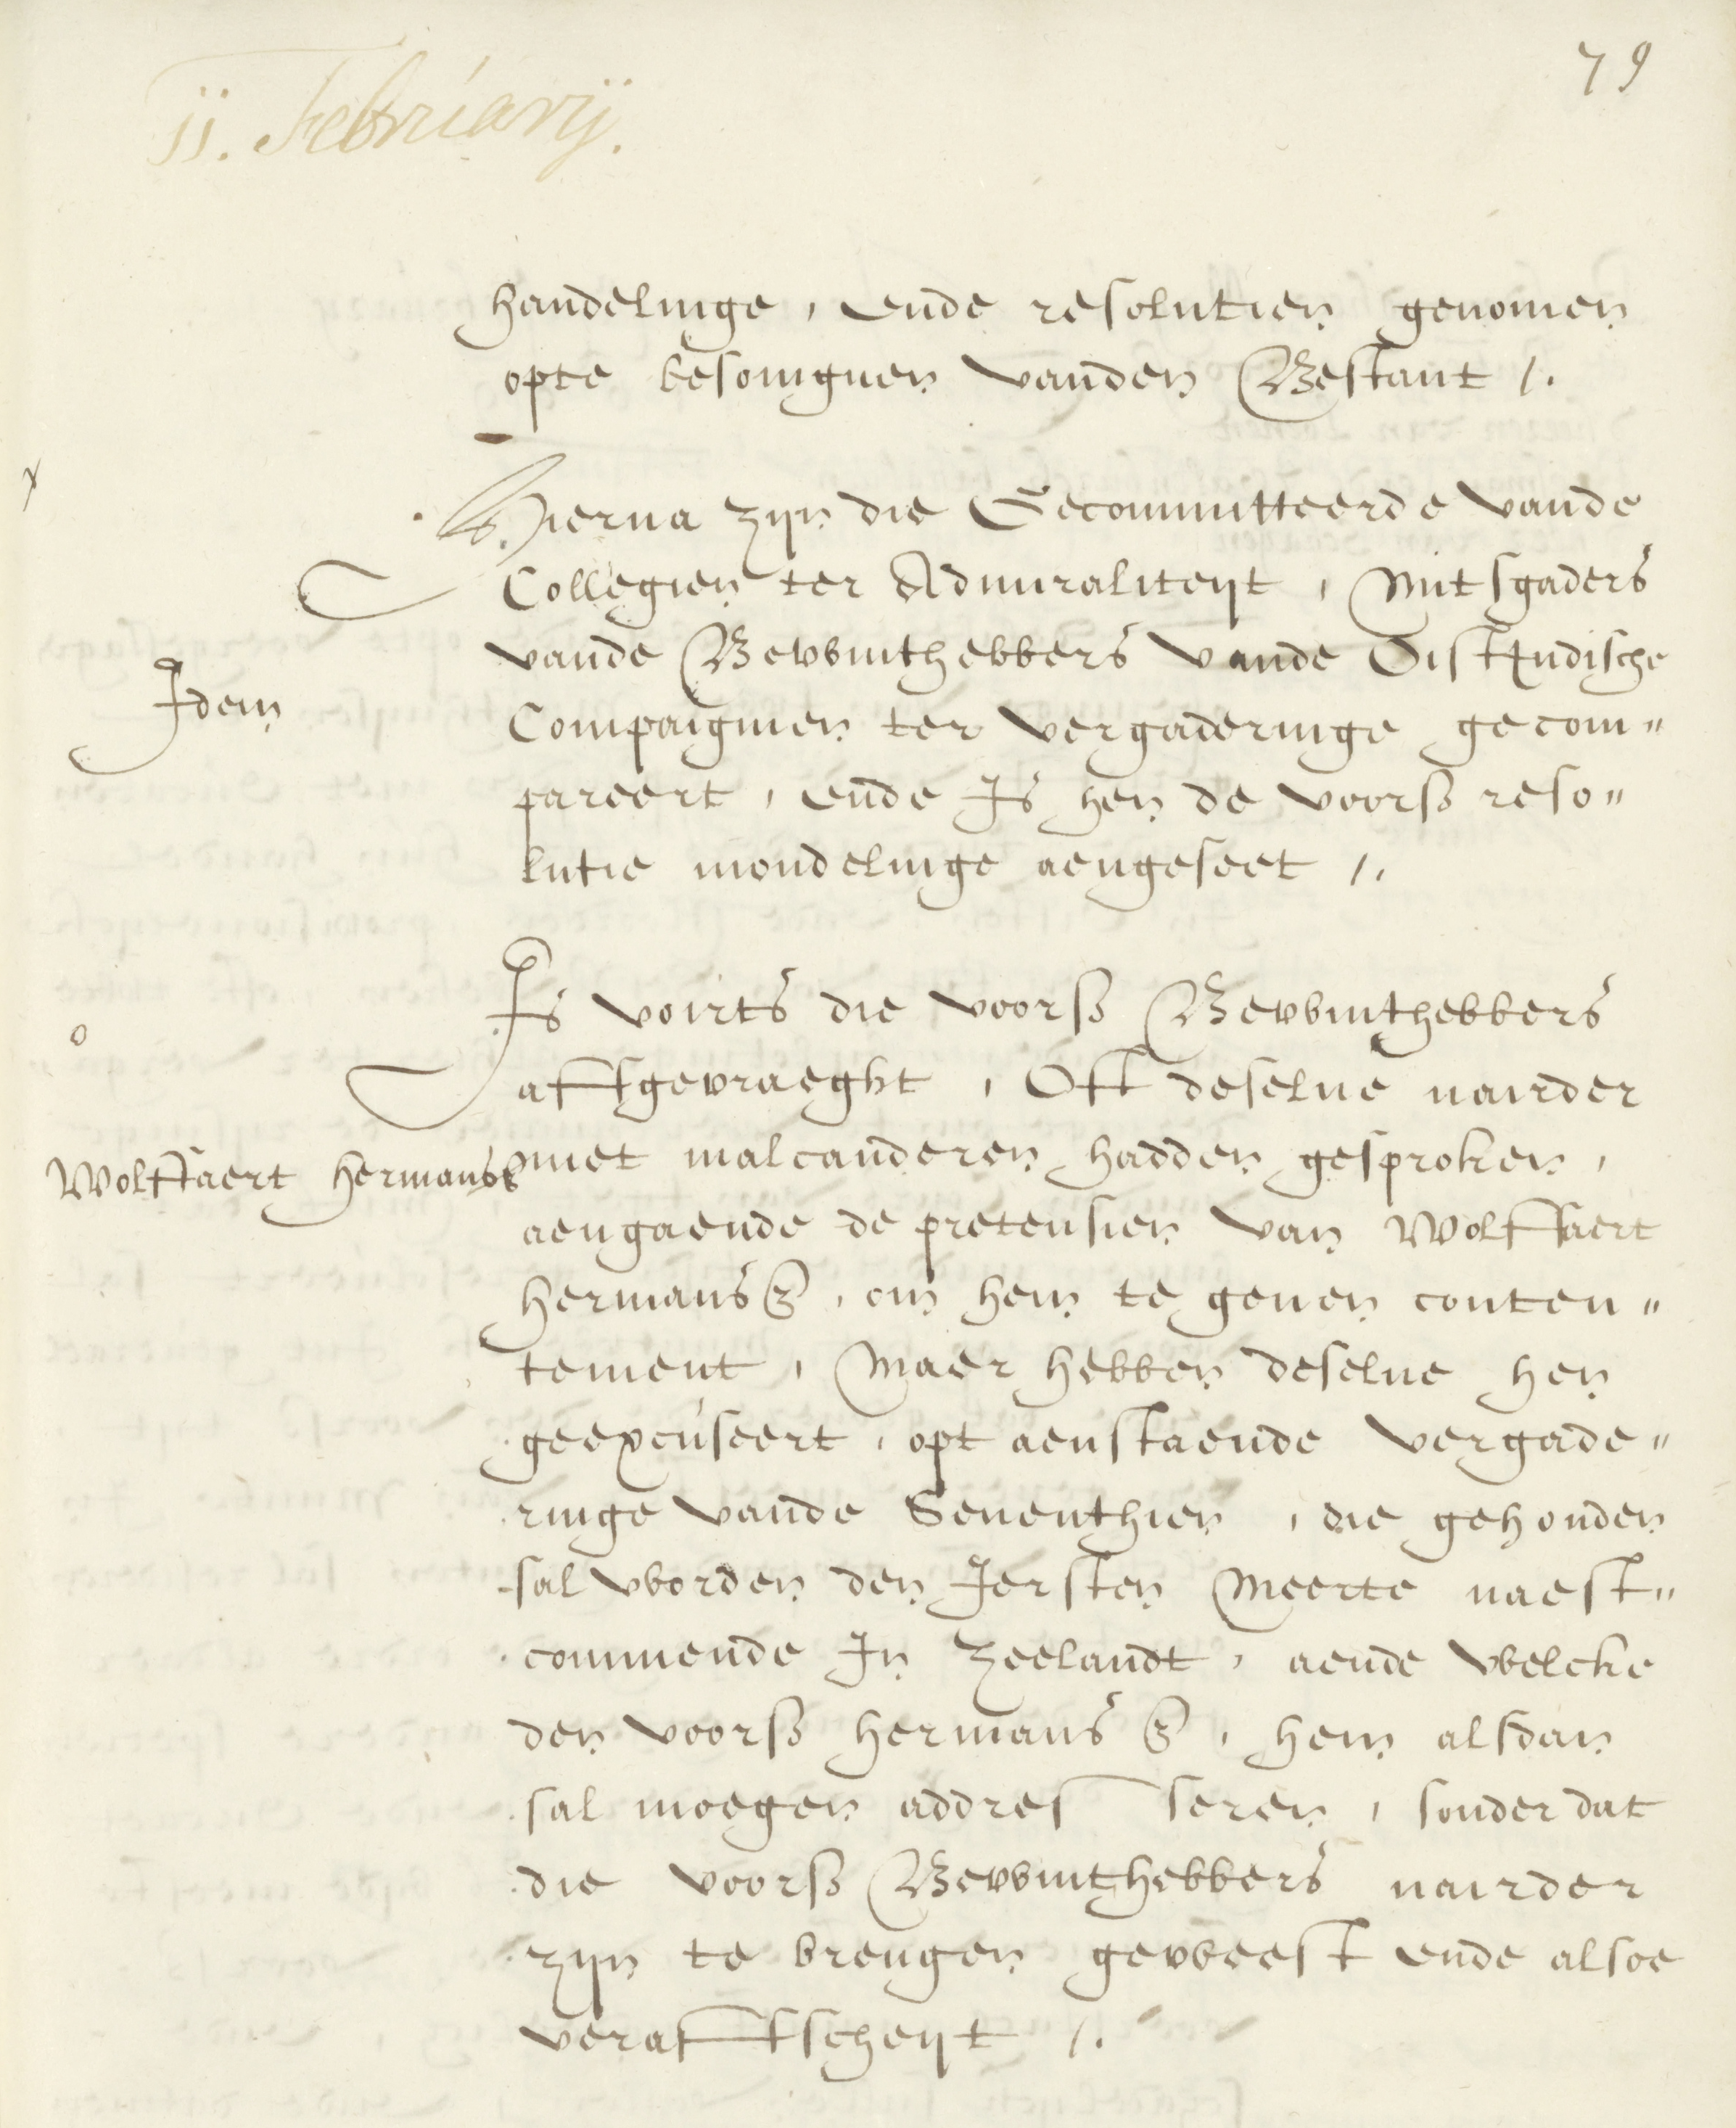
79
ii. Februarij.
handelinge, ende resolutien genomen
opte besoingnen vanden Bestant.
Idem
Hierna zyn die Gecommitteerde vande
Collegien ter Admiraliteyt, mitsgaders
vande Bewinthebbers vande OistIndische
Compaignien ter vergaderinge gecom,,
pareert, ende Is hen de voors reso,,
lutie mondelinge aengeseet.
o
Wolffaert Hermansz
Is voirts die voors Bewinthebbers
affgevraeght, Off deselue nairder
met malcanderen hadden gesproken,
aengaende de pretensien van Wolffaert
hermansz, om hem te geuen conten,,
tement, maer hebben deselue hen
geexcuseert, opt aenstaende vergade,,
ringe vande Seuenthien, die gehouden
sal worden den Iersten meerte naest,,
commende In Zeelandt, aende welcke
den voors hermansz, hem alsdan
sal moegen addresseren, sonder dat
die voors Bewinthebbers nairder
zyn te brengen geweest ende alsoe
veraffscheyt.
